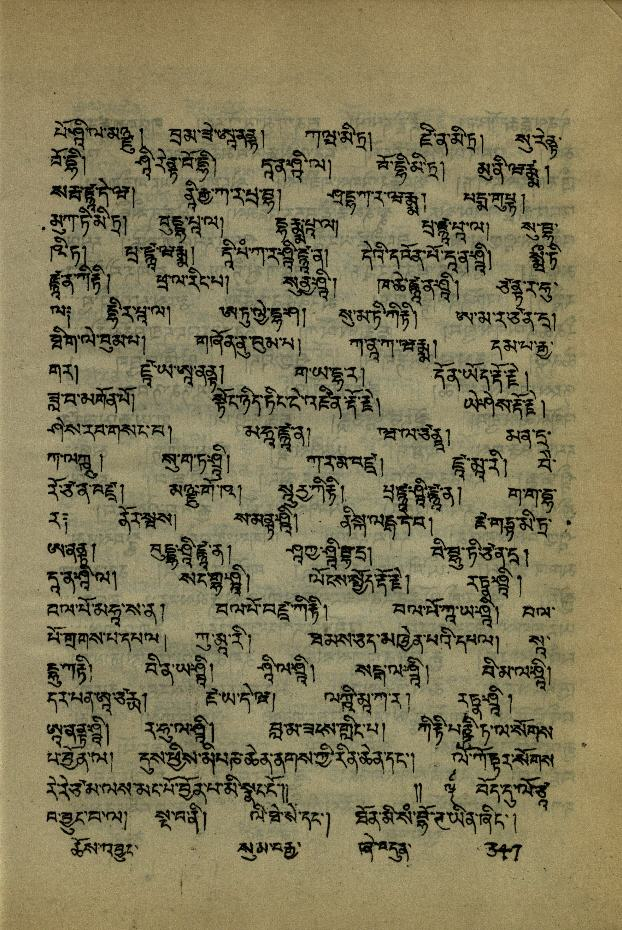པོ་ཤཱི་ལ་མཉྫུ། བྲམ་ཟེ་ཨཱནནྟ། ཀལྤ་མི་ཏྲ། ཛི་ན་མི་ཏྲ། སུ་རེནྟ་
བོ་དྷི། ཤཱི་རེནྟ་བོ་དྷི། དཱ་ན་ཤྲཱི་ལ། བོ་དྷི་མི་ཏྲ། མུ་ནི་ཝརྨྨ།
སརྦ་ཛྙཱ་དེ་ཝ། ནཱི་རྒྱ་ཀ་ར་པྲ་བྷ། ཤྲ་དྷ་ཀ་ར་ཝརྨྨ། པདམ་གུཔྟ།
མུཀྟི་མི་ཏྲ། བུདྡྷ་པཱ་ལ། དྷརྨྨ་པཱ་ལ། པྲ་ཛྙཱ་པཱ་ལ། སུ་བྷ་
ཥི་ཏ། པྲ་ཛྙཱ་ཝརྨྨ། དཱི་པཾ་ཀ་ར་ཤྲཱི་ཛྙཱ་ན། དེའི་དབོན་པོ་དཱ་ན་ཤྲཱི། སྨྲྀ་ཏི་
ཛྙཱ་ན་ཀིརྟི། ཕྲ་ལ་རིང་པ། སུནྱ་ཤྲཱི། ཁ་ཆེ་ཛྙཱ་ན་ཤྲཱི། ཙནྟ་ར་ཧུ་
ལ༑ དྷི་ར་པཱ་ལ། ཨ་ཏུ་ལྱེ་དྷ་ཤ། སུ་མ་ཏི་ཀིརྟི། ཨ་མ་ར་ཙན་དྲ།
ཐིག་ལེ་བུམ་པ། གཞོན་ནུ་བུམ་པ། ཀ་ནཱ་ཀ་ཝརྨྨ། དམ་པ་རྒྱ་
གར། ཛཱ་ཡ་ཨཱ་ནནྟ། ག་ཡ་དྷ་ར། དོན་ཡོད་རྡོ་རྗེ།
ཟླ་བ་མགོན་པོ། སྟོང་ཉིད་ཏིང་ངེ་འཛིན་རྡོ་རྗེ། ཡེ་ཤེས་རྡོ་རྗེ།
ཤེས་རབ་གསང་བ། མྷཱ་ཛྙཱ་ན། ཝ་ལ་ཙནྡྲ། མན་དྲ་
ཀ་ལཀྵུ། སུ་ག་ཏ་ཤྲཱི། ཀ་ར་མ་བཛྲ། ཛཱ་མཱ་རི། བཻ་
རོ་ཙ་ན་བཛྲ། མཉྫུ་གོ་ཥ། སཱུརྱ་ཀིརྟི། པྲ་ཛྙཱ་ཤྲཱི་ཛྙཱ་ན། ག་ག་དྷ་
ར༑ ནོར་སྦས། ས་མནྟ་ཤྲཱི། ནི་སྐ་ལངྒ་དེབ། ཛ་གཏྟ་མི་ཏྲ་
ཨ་ནནྟྲ། བུདྡྷ་ཤྲཱི་ཛྙཱ་ན། ཤཱཀྱ་ཤྲཱི་བྷ་དྲ། བི་བྷུ་ཏི་ཙན་དྲ།
དཱ་ན་ཤཱི་ལ། སང་གྷ་ཤྲཱི། ལོངས་སྤྱོད་རྡོ་རྗེ། རཏྣ་ཤྲཱི།
བལ་པོ་མྷཱ་ས་ན། བལ་པོ་བཛྲ་ཀིརྟི། བལ་པོ་ཀཱ་ཡ་ཤྲཱི། བལ་
པོ་གྲགས་པ་དཔལ། ཀུ་མཱ་རི། ཐམས་ཅད་མཁྱེན་པའི་དཔལ། སཱ་
དྷུ་ཀརྟི། བི་ན་ཡ་ཤྲཱི། ཤཱི་ལ་ཤྲཱི། སངྒ་ལ་ཤྲཱི། བི་མ་ལ་ཤྲཱི།
དར་པན་ཨཱ་ཙརྱ། ཛ་ཡ་དེ་ཝ། ལཀྵི་མཱ་ཀ་ར། རཏྣ་ཤྲཱི།
ཨཱ་ནནྟ་ཤྲཱི། ར་ཧུ་ལ་ཤྲཱི། བླ་མ་ཟངས་གླིང་པ། ཀིརྟི་པཎྜི་ཏ་ལ་སོགས་
པ་བྱོན་ལ། དུས་ཕྱིས་མི་པཎ་ཆེན་ནགས་ཀྱི་རིན་ཆེན་དང་། ལོ་ཀོ་ཏྟར་སོགས་
རེ་རེ་ཙམ་ལས་མང་པོ་བྱོན་པ་མི་སྣང་ངོ།། །། ༈ བོད་དུ་ལོ་ཙཱ་
བ་བྱུང་བ་ལ། སྔ་བ་ནི། ལི་ཐེ་སེ་དང་། ཐོན་མི་སཾ་བྷོ་ཊ་ཡིན་ཞིང་།